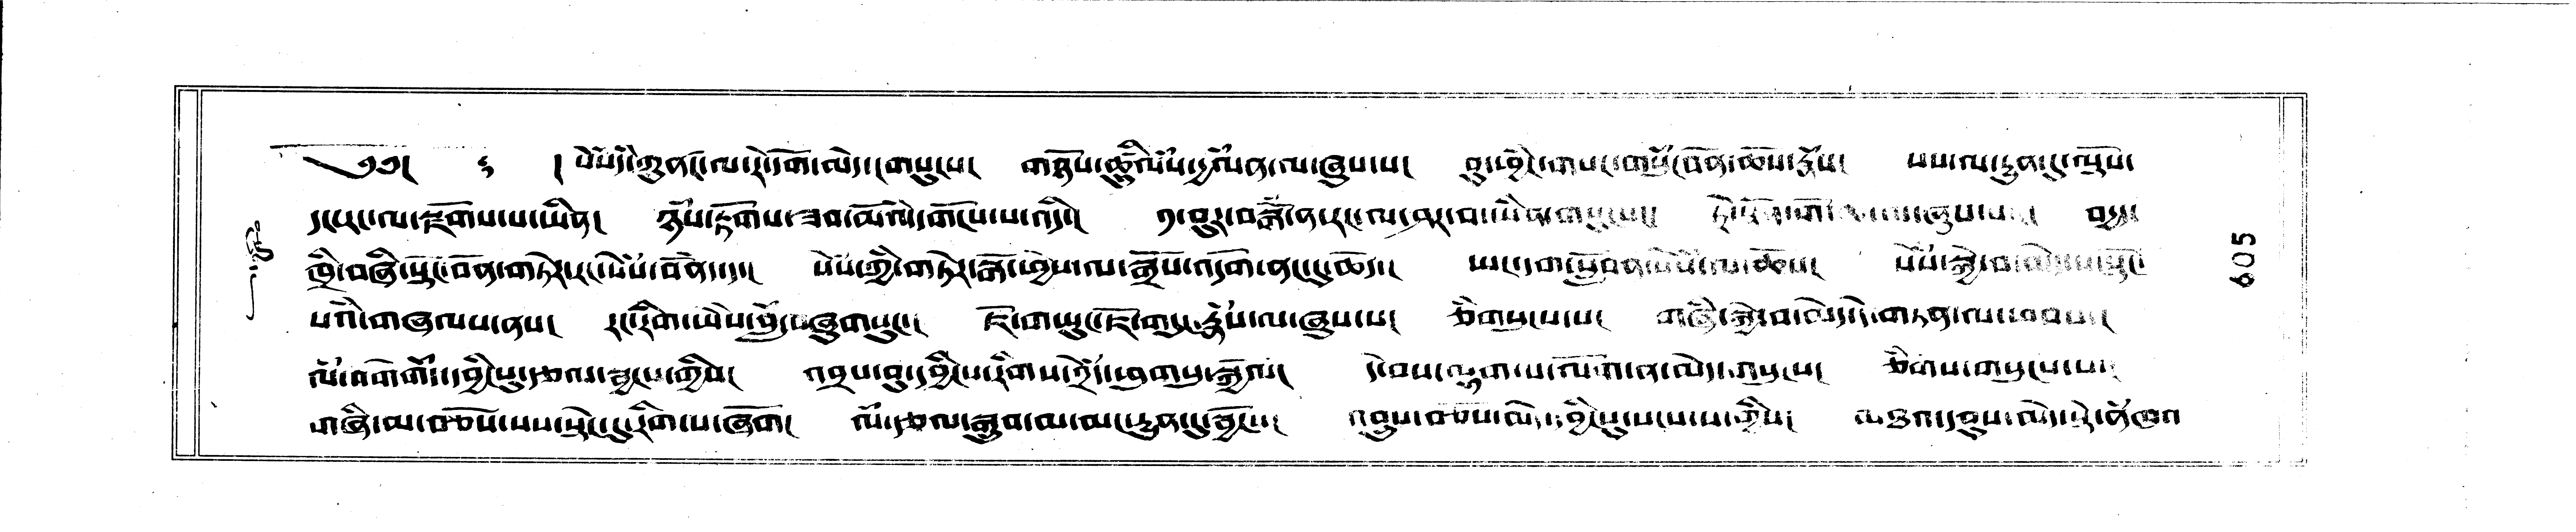འཛིན་པ་རང་གྲོལ་ལ་སྤང་བླང་མེད། སེམས་ཉིད་ཀུན་བཟང་ལ་རེ་དོག་མེད་གསུངས། གཉོས་ཚུལ་ཁྲིམས་རྒྱལ་མཚན་ལ་ཞུས་པས། བུ་ཕྱི་ནང་གསང་གསུམ་བོན་ཆོས་རྣམས། སེམས་ལ་རྒྱུན་དུ་ལྟོས་
དང་རང་ལ་རྫོགས་པ་ཡིན། ཉམས་རྟོགས་ཟབ་མོའི་དགོངས་པ་དེ། གཅིག་བུར་སྒོམ་དང་རང་ལ་འཆར་བ་ཡིན་གསུངས། དྲེ་‘‘ཏྲེ”སྟོན་གོ་ཆ་ལ་ཞུས་པས། བརྒྱད་
ཁྲི་བཞི་སྟོང་བོན་གཏེར་རང་སེམས་ཡིན། སེམས་ཀྱི་གཏེར་སྒོ་ཕྱེས་ལ་སྒྲོས་འདོག་ནང་དུ་ཆོད། ཡང་དག་སློབ་དཔོན་སེམས་ལ་ཆོད། སྐྱེ་མེད་སྟོང་
པའི་གཞལ་ཡས་ནས། རང་རིག་ཡེ་ཤེས་བླ་མ་བཞུགས་གསུངས། ཇོ་གདུང་ཇོ་གཡུང་རྣམས་གཉིས་ལ་ཞུས་པས་ གཅིག་གིས་གསུངས་པ། གཞི་སྐྱེ་བ་མེད་པ་དེ་གཏན་ལ་ཕོབ། 
ལམ་གྷག་༼འགག༽་མེད་དབྱིངས་སུ་རྩལ་སྦྱོང་གྱིས། འབྲས་བུ་དབྱིངས་རིག་གཉིས་མེད་ཕུགས་སུ་སྐྱོལ། དེ་བས་ལྷག་པ་ལོགས་ན་མེད་གསུངས། གཅིག་གིས་གསུངས་པ། 
གཞི་མ་བཅོས་པའི་སྟེང་དུ་རིག་པ་ཞོགས། ལམ་རྩོལ་སྒྲུབ་མ་མང་རྒྱུན་དུ་སྐྱོངས། འབྲས་བུ་བཅོས་མེད་དབྱིངས་སུ་སངས་བ་གྱིས། མཐའ་དབུས་བྲལ་ཏེ་ནམ་མཁའ་